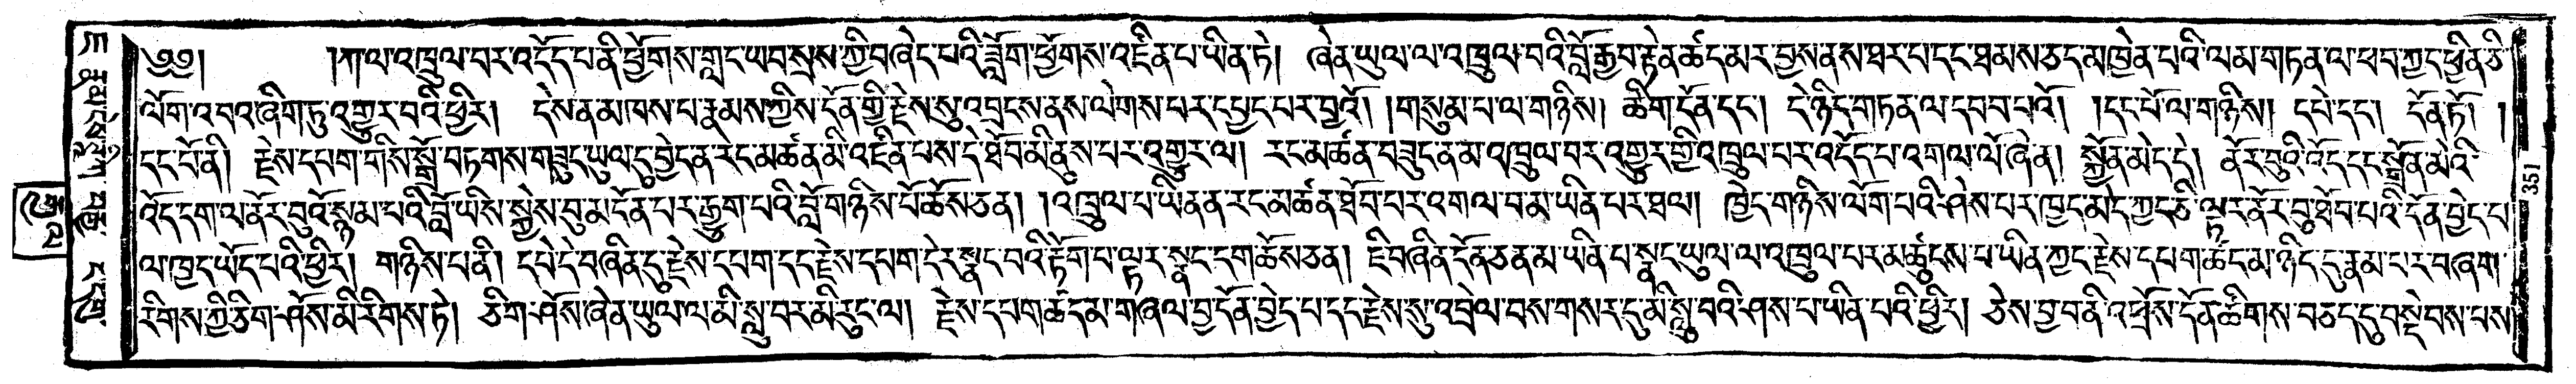༄༅། །ཀ་ལ་འཁྲུལ་བར་འདོད་པ་ནི་ཕྱོགས་གླང་ཡབ་སྲས་ཀྱི་བཞེད་པའི་ཟློག་ཕྱོགས་འཛིན་པ་ཡིན་ཏེ། ཞེན་ཡུལ་ལ་འཁྲུལ་བའི་བློ་རྒྱབ་རྟེན་ཚད་མར་བྱས་ནས་ཐར་པ་དང་ཐམས་ཅད་མཁྱེན་པའི་ལམ་གཏན་ལ་ཕབ་ཀྱང་ཕྱིན་ཅི་
ལོག་འབའ་ཞིག་ཏུ་འགྱུར་བའི་ཕྱིར། དེས་ན་མཁས་པ་རྣམས་ཀྱིས་དོན་གྱི་རྗེས་སུ་འབྲངས་ནས་ལེགས་པར་དཔྱད་པར་བྱའོ། །གསུམ་པ་ལ་གཉིས། ཚིག་དོན་དང་། དེ་ཉིད་གཏན་ལ་དབབ་པའོ། །དང་པོ་ལ་གཉིས། དཔེ་དང་། དོན་ཏོ། །
དང་པོ་ནི། རྗེས་དཔག་གིས་སྒྲོ་བཏགས་གཟུང་ཡུལ་དུ་བྱེད་ན་རང་མཚན་མི་འཛིན་པས་དེ་ཐོབ་མི་ནུས་པར་འགྱུར་ལ། རང་མཚན་བཟུང་ན་མ་འཁྲུལ་བར་འགྱུར་གྱི་འཁྲུལ་བར་འདོད་པ་འགལ་ལོ་ཞེ་ན། སྐྱོན་མེད་དེ། ནོར་བུའི་འོད་དང་སྒྲོན་མེའི་
འོད་དག་ལ་ནོར་བུའོ་སྙམ་པའི་བློ་ཡིས་སྐྱེས་བུ་མངོན་པར་རྒྱུག་པའི་བློ་གཉིས་པོ་ཆོས་ཅན། །འཁྲུལ་པ་ཡིན་ན་རང་མཚན་ཐོབ་པར་འགལ་བ་མ་ཡིན་པར་ཐལ། ཁྱེད་གཉིས་ལོག་པའི་ཤེས་པར་ཁྱད་མེད་ཀྱང་ཅི་ལྟར་ནོར་བུ་ཐོབ་པའི་དོན་བྱེད་པ་
ལ་ཁྱད་ཡོད་པའི་ཕྱིར། གཉིས་པ་ནི། དཔེ་དེ་བཞིན་དུ་རྗེས་དཔག་དང་རྗེས་དཔག་དེར་སྣང་བའི་རྟོག་པ་ལྟར་སྣང་དག་ཆོས་ཅན། ཇི་བཞིན་དོན་ཅན་མ་ཡིན་པ་སྣང་ཡུལ་ལ་འཁྲུལ་པར་མཚུངས་པ་ཡིན་ཀྱང་རྗེས་དཔག་ཚད་མ་ཉིད་དུ་རྣམ་པར་བཞག་
རིགས་ཀྱི་ཅིག་ཤོས་མི་རིགས་ཏེ། ཅིག་ཤོས་ཞེན་ཡུལ་ལ་མི་སླུ་བར་མི་རུང་ལ། རྗེས་དཔག་ཚད་མ་གཞལ་བྱ་དོན་བྱེད་པ་དང་རྗེས་སུ་འབྲེལ་བས་གསར་དུ་མི་སླུ་བའི་ཤས་པ་ཡིན་པའི་ཕྱིར། ཅེས་བྱ་བ་ནི་འཕྲོས་དོན་ཚིགས་བཅད་དུ་བསྡེབས་པས་